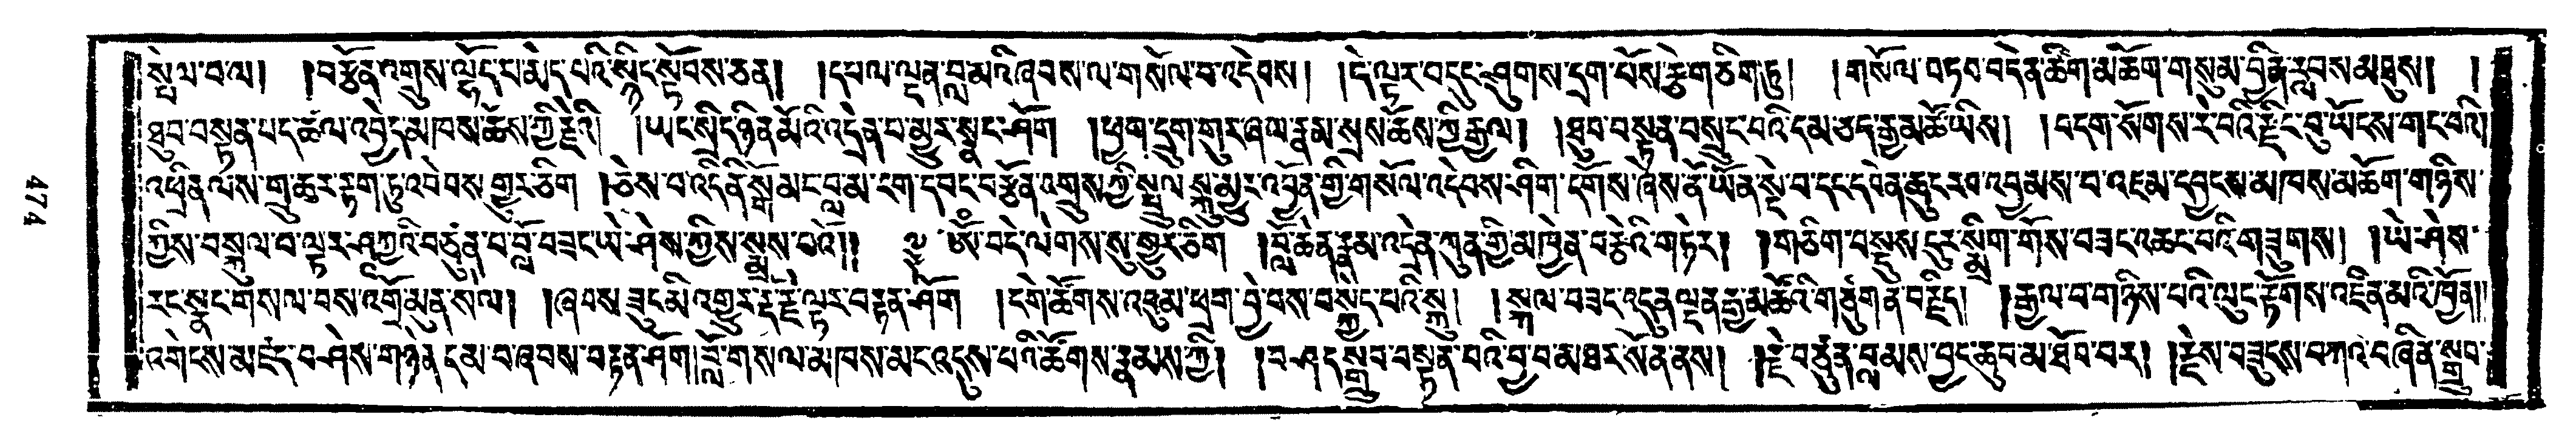སྤེལ་བ་ལ། །བརྩོན་འགྲུས་ལྷོད་པ་མེད་པའི་སྙིང་སྟོབས་ཅན། །དཔལ་ལྡན་བླ་མའི་ཞབས་ལ་གསོལ་བ་འདེབས། །དེ་ལྟར་བདུང་ཤུགས་དྲག་པོས་རྩེ་གཅིག་ཏུ། །གསོལ་བཏབ་བདེན་ཚིག་མཆོག་གསུམ་བྱིན་རླབས་མཐུས། །
ཐུབ་བསྟན་པད་ཚལ་འབྱེད་མཁས་ཆོས་ཀྱི་རྗེའི། །ཡང་སྲིད་ཉིན་མོའི་འདྲེན་པ་མྱུར་སྣང་ཤོག །ཕྱག་དྲུག་གུར་ཞལ་རྣམ་སྲས་ཆོས་ཀྱི་རྒྱལ། །ཐུབ་བསྟན་བསྲུང་བའི་དམ་ཅད་རྒྱ་མཚོ་ཡིས། །བདག་སོགས་རེ་བའི་རྫིང་བུ་ཡོངས་གང་བའི།།
འཕྲིན་ལས་གྲུ་ཆར་རྟག་ཏུ་འབེབས་གྱུར་ཅིག །ཅེས་པ་འདི་ནི་སྒོ་མང་བླ་མ་ངག་དབང་བརྩོན་འགྲུས་ཀྱི་སྤྲུལ་སྐུ་མྱུར་འབྱོན་གྱི་གསོལ་འདེབས་ཤིག་དགོས་ཞེས་ནོ་ཡོན་སྡེ་བ་དང་དབེན་ཆུང་རབ་འབྱམས་བ་འཇམ་དབྱངས་མཁས་མཆོག་གཉིས་
ཀྱིས་བསྐུལ་བ་ལྟར་ཤཱཀྱའི་བཙུན་པ་བློ་བཟང་ཡེ་ཤེས་ཀྱིས་སྨྲས་པའོ།། ༈ཨོཾ་བདེ་ལེགས་སུ་གྱུར་ཅིག །བློ་ཆེན་རྣམ་འདྲེན་ཀུན་གྱི་མཁྱེན་བརྩེའི་གཏེར། །གཅིག་བསྡུས་ངུར་སྨྲིག་གོས་བཟང་འཆང་བའི་གཟུགས། །ཡེ་ཤེས་
རང་སྣང་གསལ་བས་འགྲོ་མུན་སེལ། །ཞབས་ཟུང་མི་འགྱུར་རྡོ་རྗེ་ལྟར་བརྟན་ཤོག །དགེ་ཚོགས་འབུམ་ཕྲག་བྱེ་བས་བསྐྱེད་པའི་སྐུ། །སྐལ་བཟང་འདུན་ལྡན་རྒྱ་མཚོའི་གཙུག་ན་བརྗིད། །རྒྱལ་བ་གཉིས་པའི་ལུང་རྟོགས་འཛིན་མའི་ཁྱོན།།
འགེངས་མཛད་བཤེས་གཉེན་དམ་བ་ཞབས་བརྟན་ཤོག །བློ་གསལ་མཁས་མང་འདུས་པའི་ཚོགས་རྣམས་ཀྱི། །བཤད་སྒྲུབ་བསྟན་བའི་བྱ་བ་མཐར་སོན་ནས། །རྗེ་བཙུན་བླ་མས་བྱང་ཆུབ་མ་ཐོབ་བར། །རྗེས་བཟུངས་བཀའ་བཞིན་སྒྲུབ་